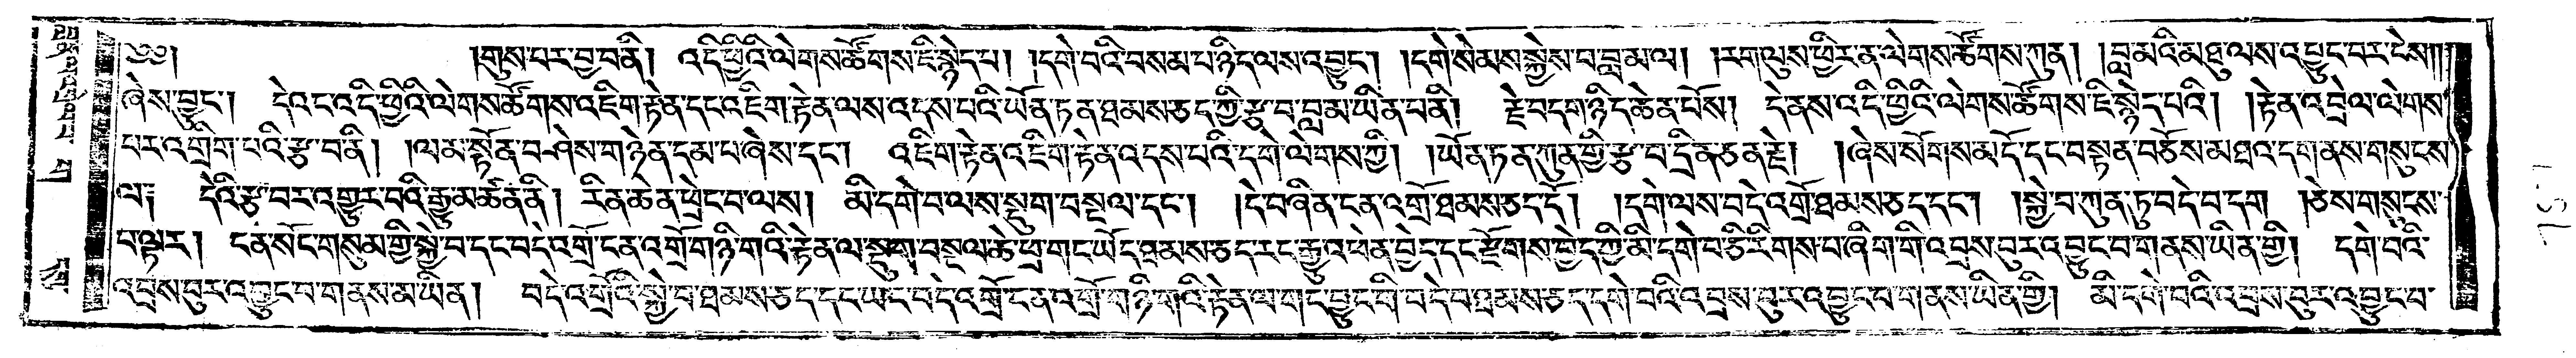༄༅། །གུས་པར་བྱ་བ་ནི། འདི་ཕྱིའི་ལེགས་ཚོགས་ཇི་སྙེད་པ། །དགེ་བའི་བསམ་པ་ཉིད་ལས་འབྱུང་། །དགེ་སེམས་སྐྱེས་པ་བླ་མ་ལ། །རག་ལུས་ཕྱིར་ན་ལེགས་ཚོགས་ཀུན། །བླ་མའི་མཐུ་ལས་འབྱུང་བར་ངེས། །
ཞེས་བྱུང་། དེའང་འཕ་འདི་ཕྱིའི་ལེགས་ཚོགས་འཇིག་རྟེན་དང་འཇིག་རྟེན་ལས་འདས་པའི་ཡོན་ཏན་ཐམས་ཅད་ཀྱི་རྩ་བ་བླ་མ་ཡིན་པ་ནི། རྗེ་བདག་ཉིད་ཆེན་པོས། དེ་ནས་འདི་ཕྱིའི་ལེགས་ཚོགས་ཇི་སྙེད་པའི། །རྟེན་འབྲེལ་ལེགས་
པར་འགྲིག་པའི་རྩ་བ་ནི། །ལམ་སྟོན་བཤེས་གཉེན་དམ་པ་ཞེས་དང་། འཇིག་རྟེན་འཇིག་རྟེན་འདས་པའི་དགེ་ལེགས་ཀྱི། །ཡོན་ཏན་ཀུན་གྱི་རྩ་བ་དྲིན་ཅན་རྗེ། །ཞེས་སོགས་མདོ་དང་བསྟན་བཅོས་མཐའ་དག་གནས་གསུངས་
ལ༑ དེའི་རྩ་བར་འགྱུར་བའི་རྒྱུ་མཚན་ནི། རིན་ཆེན་ཕྲེང་བ་ལས། མི་དགེ་བ་ལས་སྡུག་བསྔལ་དང་། །དེ་བཞིན་ངན་འགྲོ་ཐམས་ཅད་དོ། །དགེ་ལས་བདེ་འགྲོ་ཐམས་ཅད་དང་། །སྐྱེ་བ་ཀུན་ཏུ་བདེ་བ་དག །ཅེས་གསུངས་
པ་ལྟར། ངན་སོང་གསུམ་གྱི་སྐྱེ་བ་དང་བདེ་འགྲོ་ངན་འགྲོ་གཉི་གའི་རྟེན་ལ་སྡུག་བསྔལ་ཆེ་ཕྲ་གང་ཡོད་ཐམས་ཅད་རང་རྒྱུ་འཕེན་བྱེད་དང་རྫོགས་བྱེད་ཀྱི་མི་དགེ་བ་ཅི་རིགས་པ་ཞིག་གི་འབྲས་བུར་འབྱུང་བ་གནས་ཡིན་གྱི། དགེ་བའི་
འབྲས་བུར་འབྱུང་བ་གནས་མ་ཡིན། བདེ་འགྲོའི་སྐྱེ་བ་ཐམས་ཅད་དང་ཡང་བདེ་འགྲོ་ངན་འགྲོ་གཉི་གའི་རྟེན་ལ་གང་བྱུང་གི་བདེ་བ་ཐམས་ཅད་དགེ་བའི་འབྲས་བུར་འབྱུང་བ་གནས་ཡིན་གྱི། མི་དགེ་བའི་འབྲས་བུར་འབྱུང་བ་